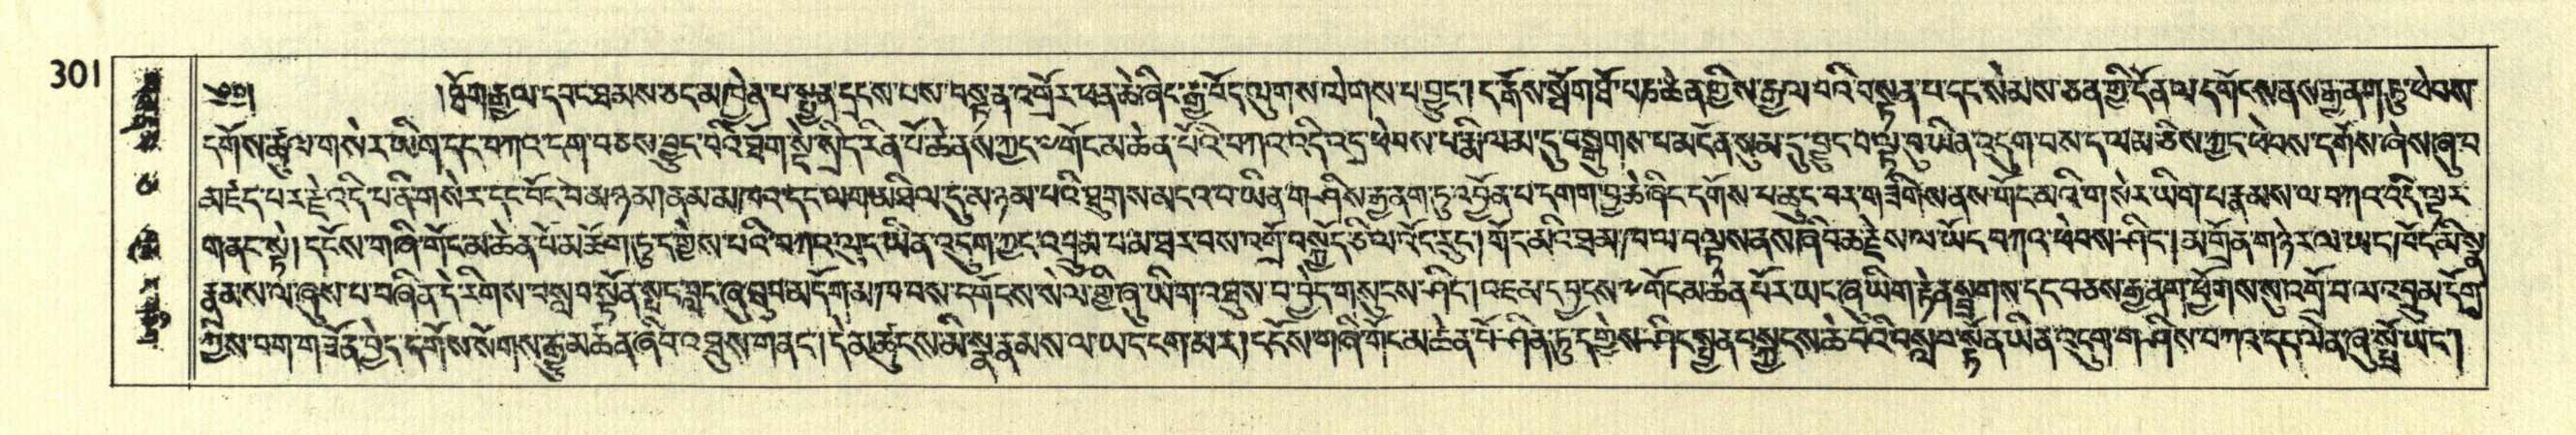༄༅། །ཐོག་རྒྱལ་དབང་ཐམས་ཅད་མཁྱེན་པ་སྤྱན་དྲངས་པས་བསྟན་འགྲོར་ཕན་ཆེ་ཞིང་རྒྱ་བོད་ལུགས་ལེགས་པ་བྱུང་། ང་རྒོས་སྦོག་ཐོ་པཎ་ཆེན་གྱིས་རྒྱལ་བའི་བསྟན་པ་དང་སེམས་ཅན་གྱི་དོན་ལ་དགོངས་ནས་རྒྱ་ནག་ཏུ་ཕེབས་
དགོས་ཚུལ་གསེར་ཡིག་དང་བཀའ་ངག་བཅས་བྱུང་བའི་ཐོག་སྡེ་སྲིད་རིན་པོ་ཆེ་ནས་ཀྱང་༧་གོང་མ་ཆེན་པོའི་བཀའ་འདི་འདྲ་ཕེབས་པ་རྨི་ལམ་དུ་བསྒུགས་པ་མངོན་སུམ་དུ་བྱུང་བ་ལྟ་བུ་ཡིན་འདུག་བས་ད་ལམ་ཅིས་ཀྱང་ཕེབས་དགོས་ཞེས་ཞུ་བ་
མཛད་པར་རྗེ་འདི་པ་ནི་གསེར་དང་བོང་བ་མཉམ། ནམ་མཁའ་དང་ལག་མཐིལ་དུ་མཉམ་པའི་ཐུགས་མངའ་བ་ཡིན་གཤིས་རྒྱ་ནག་ཏུ་འབྱོན་པ་དགག་བྱ་ཆེ་ཞིང་དགོས་པ་ཆུང་བར་གཟིགས་ནས་གོང་མའི་གསེར་ཡིག་པ་རྣམས་ལ་བཀའ་འདི་ལྟར་
གནང་སྟེ། དངོས་གཞི་གོང་མ་ཆེན་པོ་མཆོག་ཏུ་དགྱེས་པའི་བཀའ་ལུང་ཡིན་འདུག་ཀྱང་འབྲུམ་པ་མ་ཐར་པས་འགྲོ་བསྐྱོད་ཅི་ལ་འོང་རུང་། གོང་མའི་ཐམ་ཁ་ལ་བལྟས་ནས་ཞིབ་ཆ་རྗེས་ལ་ཡོང་བཀའ་ཕེབས་ཤིང་། མགྲོན་གཉེར་ལ་ཡང་ཁོང་མི་སྣ་
རྣམས་ལ་ཞུས་པ་བཞིན་དེ་རིགས་བསླབ་སྟོན་སྤང་བླང་ཞུ་ཐུབ་མདོག་མ་ཁ་བས་དགོངས་སེལ་གྱི་ཞུ་ཡིག་འཐུས་པ་བྱེད་གསུངས་ཤིང་། འཇམ་དབྱངས་༧་གོང་མ་ཆེན་པོར་ཡང་ཞུ་ཡིག་རྟེན་སྦྲགས་དང་བཅས་རྒྱ་ནག་ཕྱོགས་སུ་འགྲོ་བ་ལ་འབྲུམ་དོགས་
ཀྱིས་བག་གཟོན་བྱེད་དགོས་སོགས་རྒྱུ་མཚན་ཞིབ་འཐུས་གནང་།དེ་མཚུངས་མི་སྣ་རྣམས་ལ་ཡང་ངག་མར། དངོས་གཞི་གོང་མ་ཆེན་པོ་ཤིན་ཏུ་དགྱེས་ཤིང་སྤྱན་བསྐྱངས་ཆེ་བའི་བསླབ་སྟོན་ཡིན་འདུག་གཤིས་བཀའ་དད་ལེན་ཞུ་སྤྲོ་ཡང་།